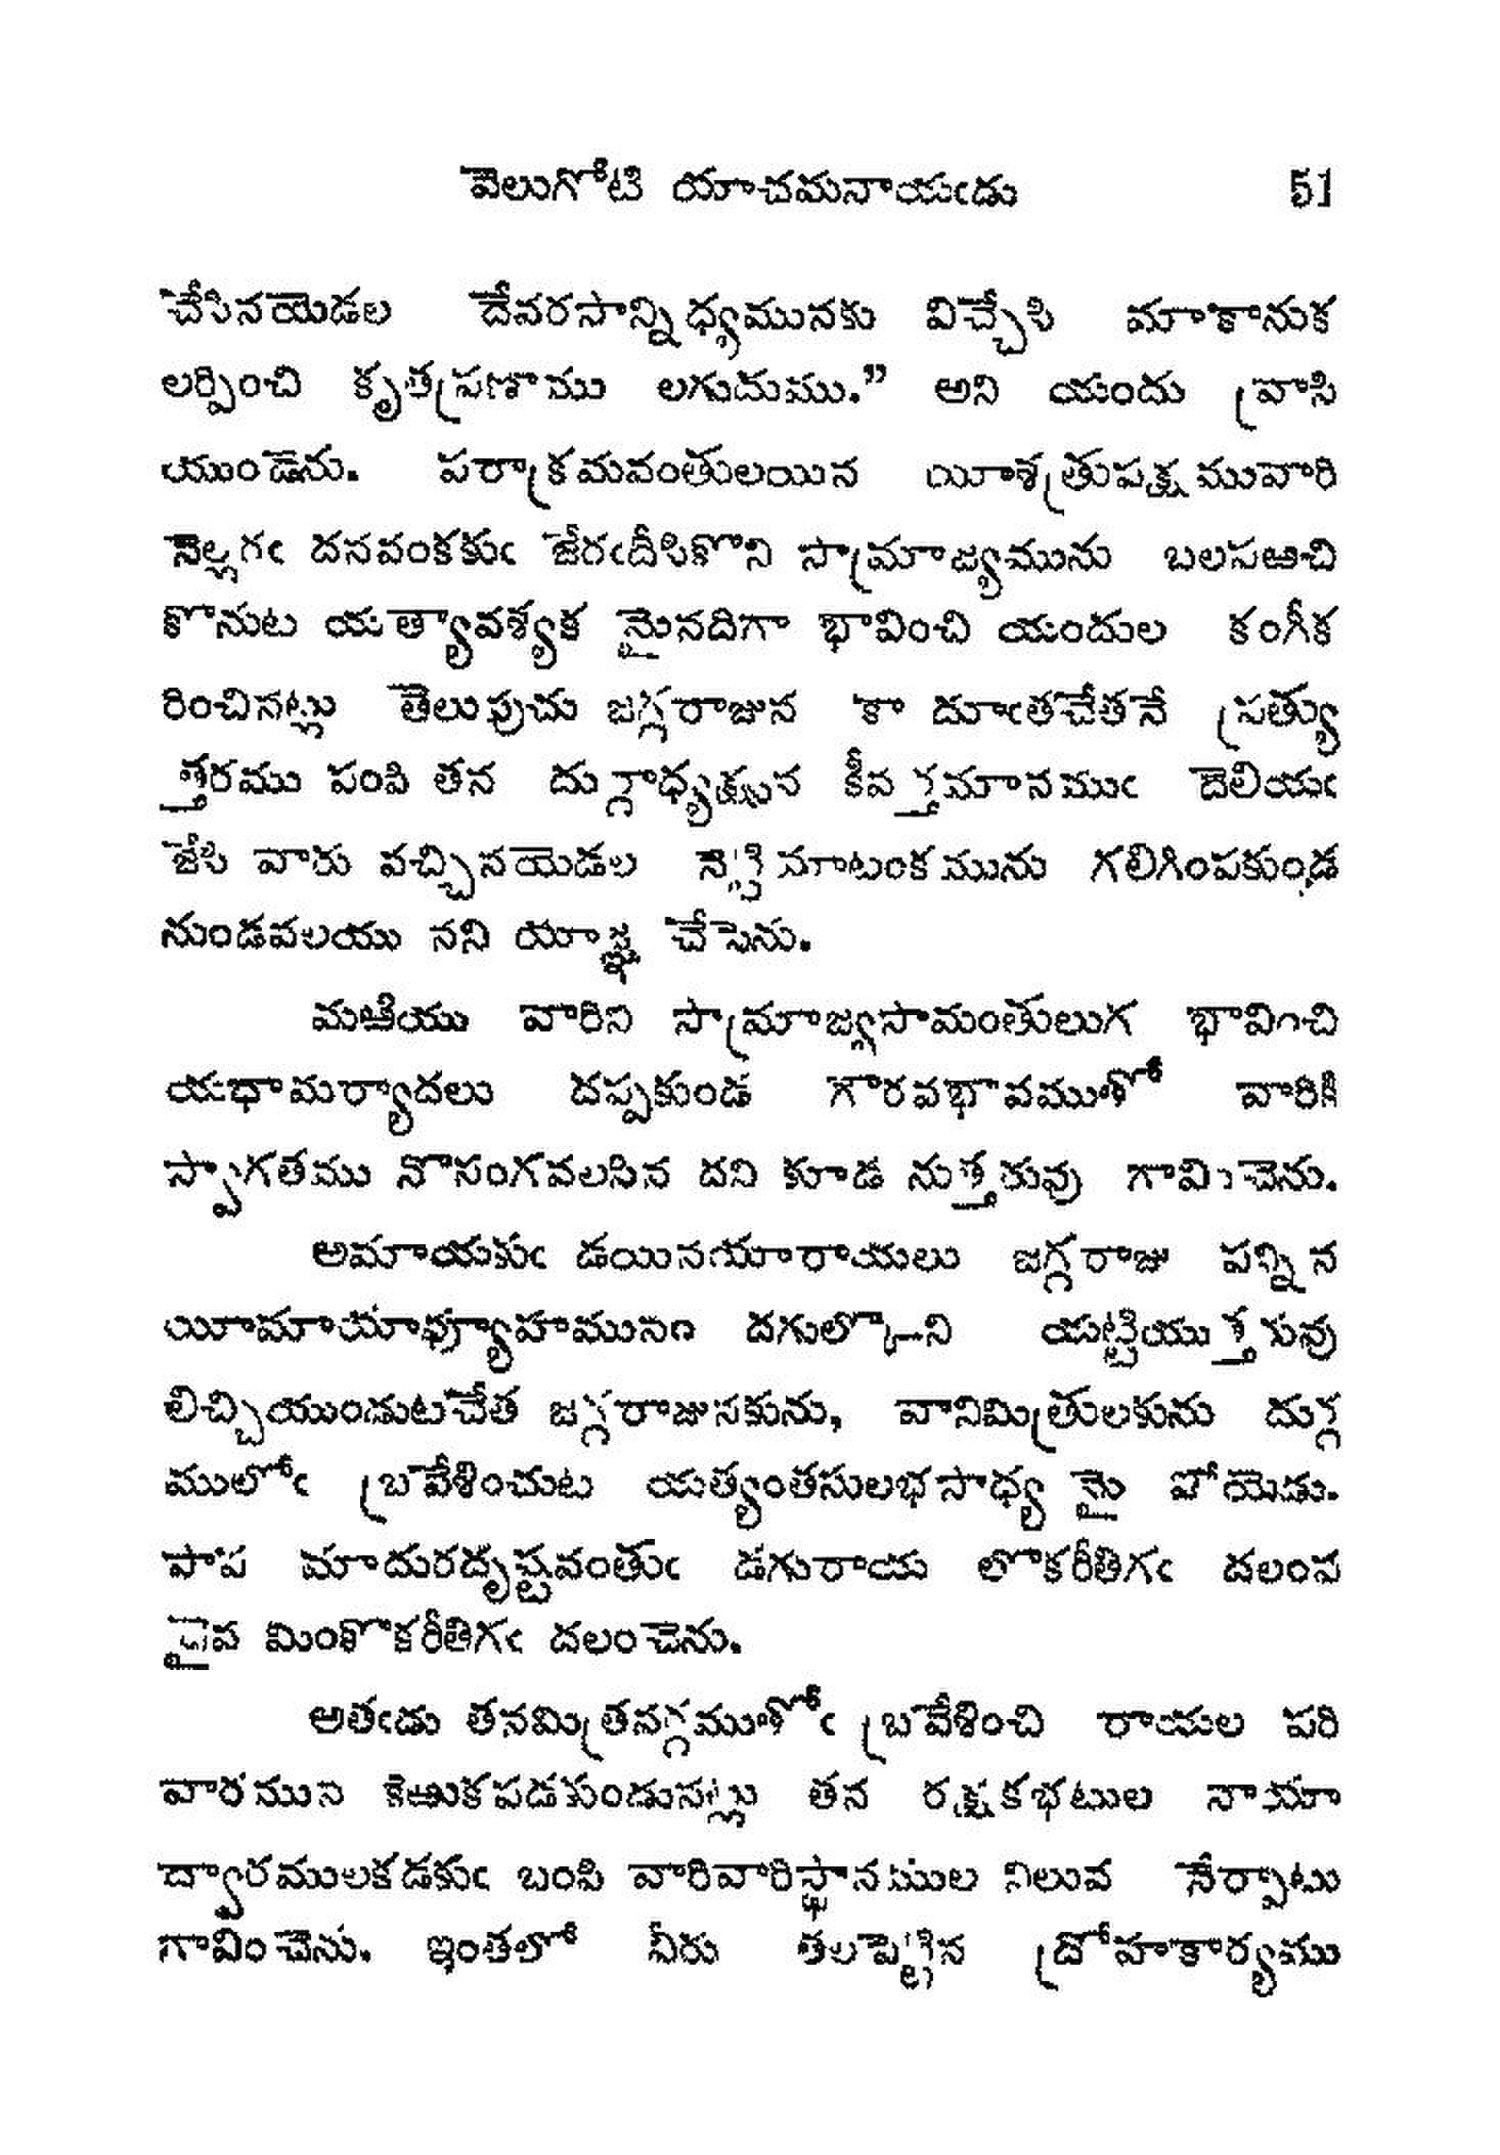చేసినయెడల దేవరసాన్నిధ్యమునకు విచ్చేసి మాకానుక లర్పించి కృతప్రణాము లగుదుము." అని యందు వ్రాసి యుండెను. పరాక్రమవంతులయిన యీశత్రుపక్షమువారి నెల్లరఁ దనవంకకుఁ జేరఁదీసికొని సామ్రాజ్యమును బలపఱచి కొనుట యత్యావశ్యక మైనదిగా భావించి యందుల కంగీకరించినట్లు తెలుపుచు జగ్గరాజున కా దూఁతచేతనే ప్రత్యుత్తరము పంపి తన దుర్గాధ్యక్షున కీవర్తమానముఁ దెలియఁజేసి వారు వచ్చినయెడల నెట్టిమాటంకమును గలిగింపకుండ నుండవలయు నని యాజ్ఞ చేసెను.

మఱియు వారిని సామ్రాజ్యసామంతులుగ భావించి యధామర్యాదలు దప్పకుండ గౌరవభావముతో వారికి స్వాగతము నొసంగవలసిన దని కూడ నుత్తరువు గావించెను.

అమాయకుఁ డయినయారాయలు జగ్గరాజు పన్నిన యీమాయావ్యూహమునం దగుల్కొని యట్టియుత్తరువు లిచ్చియుండుటచేత జగ్గరాజునకును, వానిమిత్రులకును దుర్గములోఁ బ్రవేశించుట యత్యంతసులభసాధ్య మై పోయెడు. పాప మాదురదృష్టవంతుఁ డగురాయ లొకరీతిగఁ దలంప దైవ మింకొకరీతిగఁ దలంచెను.

అతఁడు తనమిత్రవర్గముతోఁ బ్రవేశించి రాయల పరివారమున కిఱుకపడకుండునట్లు తన రక్షకభటుల నాయా ద్వారములకడకుఁ బంపి వారివారిస్థానముల నిలువ నేర్పాటు గావించెను. ఇంతలో వీరు తలపెట్టిన ద్రోహకార్యము